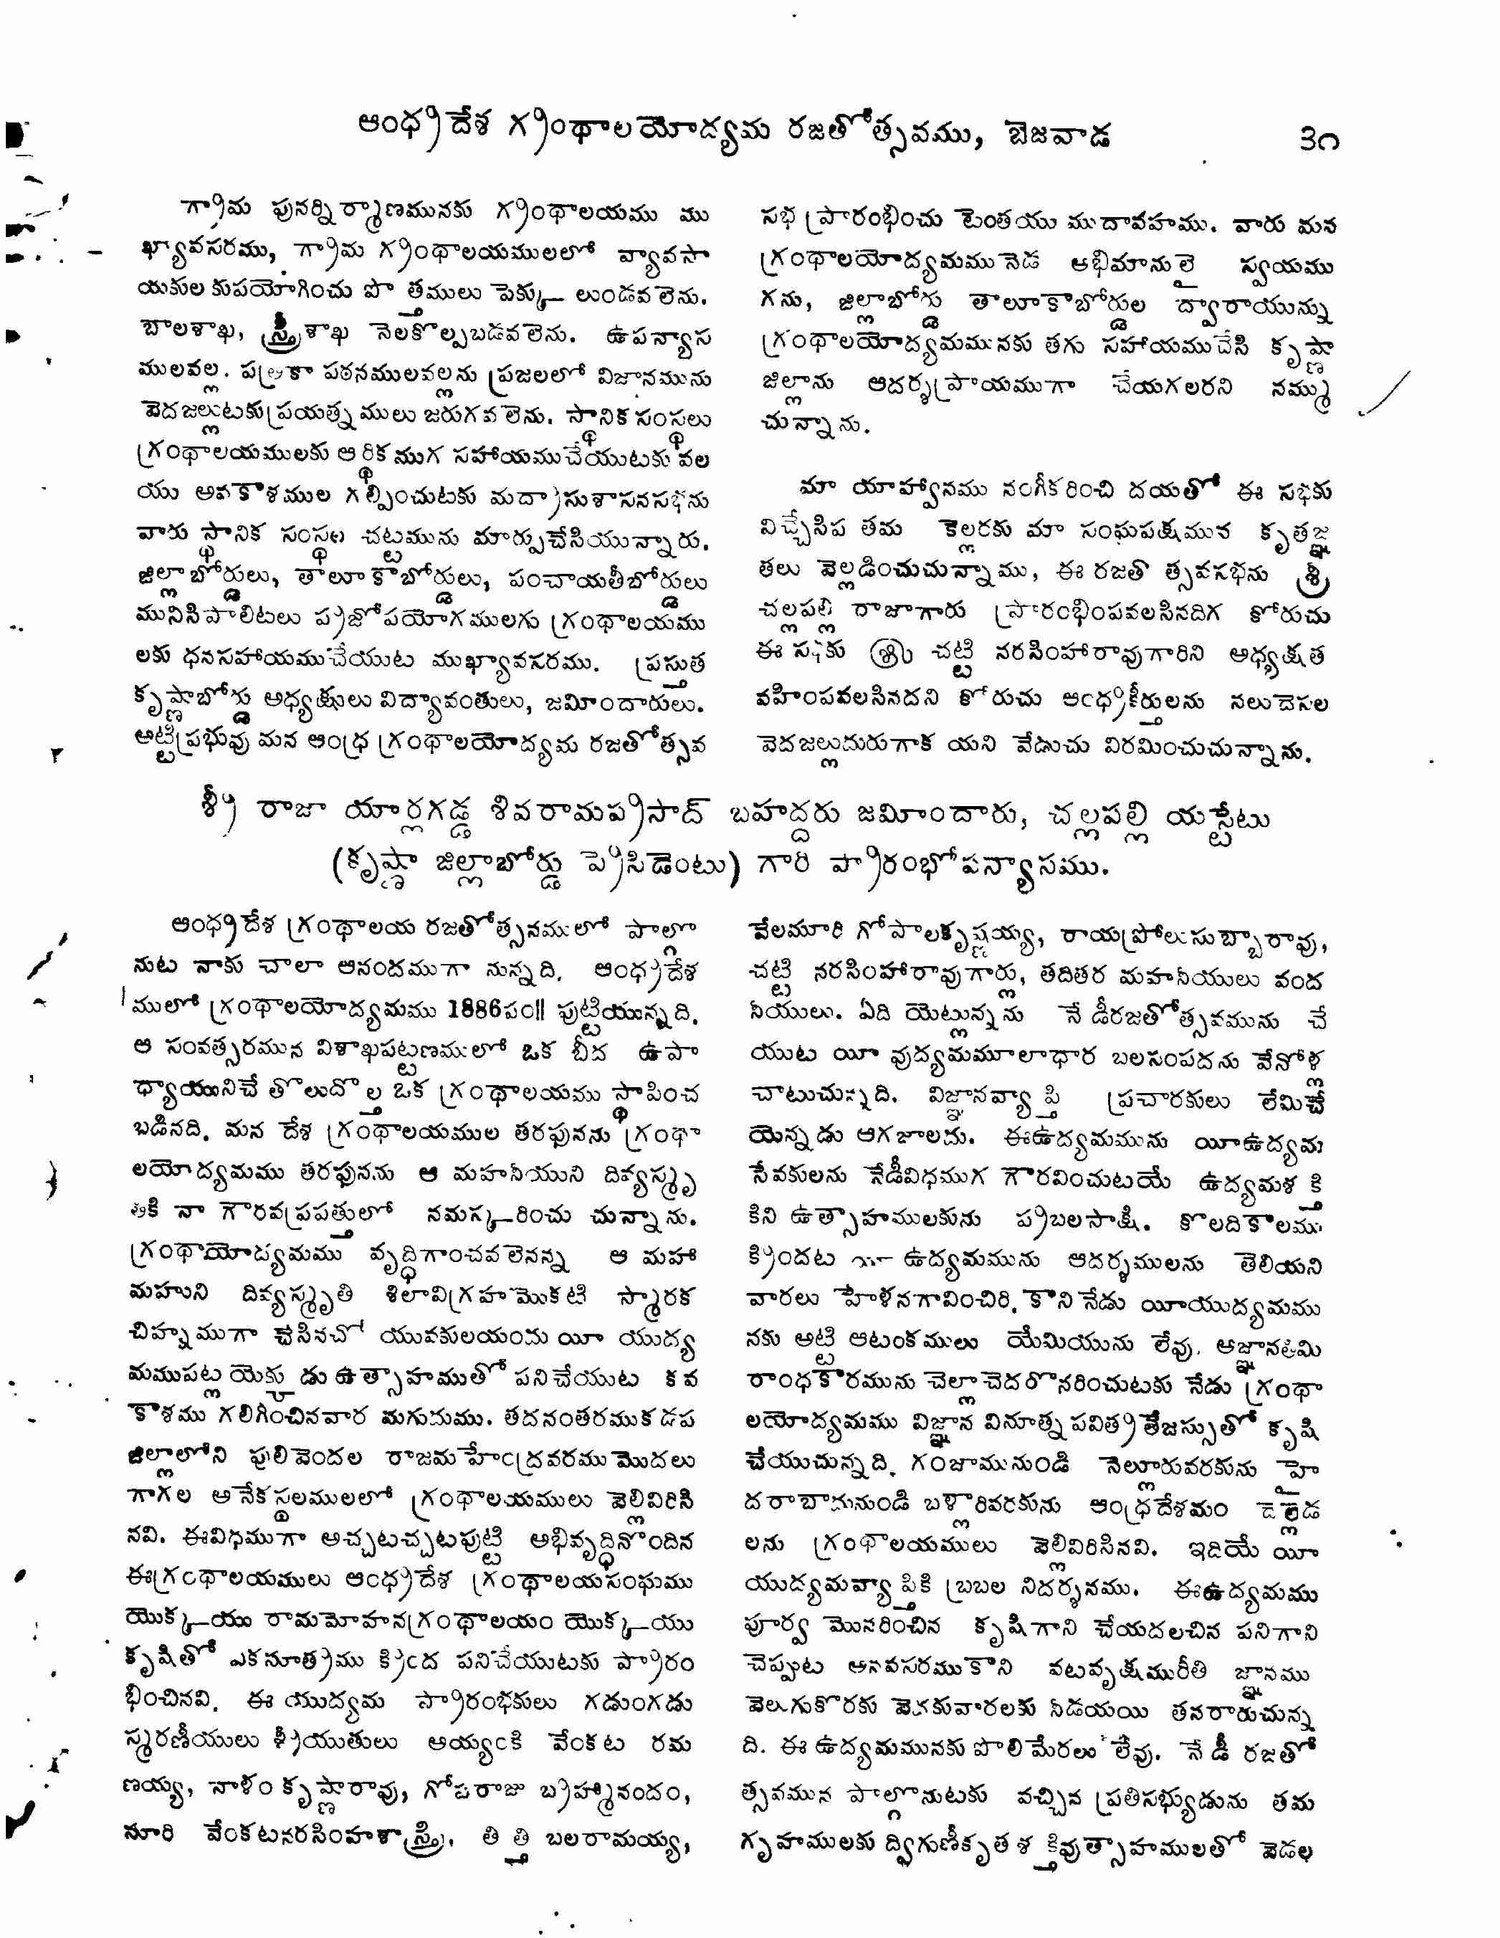గ్రామ పునర్నిర్మాణమునకు గ్రంథాలయము ముఖ్యావసరము, గ్రామ గ్రంథాలయములలో వ్యావసాయకుల కుపయోగించు పొత్తములు పెక్కు లుండవలెను. బాలశాఖ, స్త్రీశాఖ నెలకొల్పబడవలెను. ఉపన్యాసములవల్ల. పత్రికా పఠనములవల్లను ప్రజలలో విజ్ఞానమును
వెదజల్లుటకు ప్రయత్నములు జరుగవలెను. సానిక సంస్థలు గ్రంథాలయములకు ఆర్థిక ముగ సహాయము చేయుటకు వలయు అవకాశముల గల్పించుటకు మదాసు శాసన సభను వారు సానిక సంస్థల చటమును మార్పుచేసియున్నారు. జిల్లా బోర్డులు, తాలూకా 
బోర్డులు, పంచాయతీ బోర్డులు, మునిసిపాలిటలు ప్రజోపయోగములగు గ్రంథాలయములకు ధన సహాయము చేయుట ముఖ్యావసరము. ప్రస్తుత కృష్ణాబోర్డు అధ్యక్షులు విద్యావంతులు, జమీందారులు. ఆట్టిప్రభువు మన ఆంధ్ర గ్రంథాలయోద్యమ రజతోత్సవ సభ 
ప్రారంభించు టెంతయు ముదావహము. వారు మన గ్రంథాలయోద్యమము నెడ అభిమానులె స్వయము గను, జిల్లా బోర్డు, తాలూకా బోర్డుల ద్వారాయున్ను గ్రంథాలయోద్యమమునకు తగు సహాయముచేసి కృష్ణా జిల్లాను ఆదర్శప్రాయముగా చేయగలరని నమ్ము
చున్నాను. 

మా యాహ్వానము నంగీకరించి దయతో ఈ సభకు నిచ్చేసిప తమ కెల్లరకు మా సంఘపక్షమున కృతజ్ఞతలు వెల్లడించుచున్నాము. 
ఈ రజతోత్సవసభను శ్రీ చల్లపల్లి రాజాగారు ప్రారంభింపవలసినదిగా కోరుచు, ఈ సభకు శ్రీ చట్టి నరసింహారావు గారిని అధ్యక్షత
వహింపవలసినదని కోరుచు అంధ్రకీర్తులను నలుదెసల వెద జల్లుదురుగాక యని వేడుచు విరమించుచున్నాను.

 

ఆంధ్రదేశ గ్రంథాలయ రజతోత్సవములో పాల్గొనుట నాకు చాలా ఆనందముగా నున్నది. ఆంధ్ర దేశములో గ్రంథాలయోద్యమము 1886 
సం॥ పుట్టియున్నది. ఆ సంవత్సరమున విశాఖపటణములో ఒక బీద ఉపాధ్యాయునిచే తొలుదొల ఒక గ్రంథాలయము స్థాపించబడినది. మన దేశ గ్రంథాలయముల తరఫునను గ్రంథాలయోద్యమము తరఫునను ఆ మహనీయుని దివ్యస్మృతికి నా గౌరవప్రపతులో నమస్కరించు చున్నాను. గ్రంథాయోద్యమము వృద్ధిగాంచవలెనన్న ఆ మహామహుని దివ్యస్మృతి శిలావిగ్రహమొకటి స్మారక చిహ్నముగా చేసినచో యువకులయందు యీ యుద్యమముపట్ల యెక్కుడు ఉత్సాహముతో పనిచేయుట కవకాశము గలిగించినవార మగుదుము. తదనంతరము కడప జిల్లాలోని పులివెందల రాజమహేంద్రవరము మొదలుగాగల అనేక స్థలములలో గ్రంథాలయములు వెల్లివిరిసినవి. ఈవిధముగా అచ్చటచ్చట పుట్టి అభివృద్ధినొందిన ఈ గ్రంథాలయములు ఆంధ్రదేశ గ్రంథాలయ సంఘము యొక్కయు రామమోహన గ్రంథాలయం యొక్కయు కృషితో ఎక సూత్రము క్రింద పనిచేయుటకు ప్రారంభించినవి. ఈ యుద్యమ ప్రారంభకులు గడుంగడు
స్మరణీయులు శ్రీయుతులు అయ్యంకి వెంకట రమణయ్య, నాళం కృష్ణారావు, గోపరాజు బ్రహ్మానందం, సూరి వేంకటనరసింహశాస్త్రి, 
తిత్తి బలరామయ్య, వేలమూరి గోపాలకృష్ణయ్య, రాయప్రోలు సుబ్బారావు, చట్టి నరసింహారావు గార్లు, తదితర మహనీయులు 
వందనీయులు. ఏది యెట్లున్నను నేడీరజతోత్సవమును చేయుట యీ వుద్యమమూలాధార బలసంపదను వేనోళ్ళ చాటుచున్నది. విజ్ఞానవ్యాప్తి ప్రచారకులు లేమిచే యెన్నడు ఆగజాలదు. ఈఉద్యమమును యీ ఉద్యమ సేవకులను వేడీవిధముగ గౌరవించుటయే ఉద్యమశక్తిని ఉత్సాహములకును ప్రబలసాక్షి. కొలది కాలము క్రిందట ఉద్యమమును ఆదర్శములను తెలియని వారలు హేళన గావించిరి, కాని నేడు యీయుద్యమమునకు అట్టి ఆటంకములు యేమియును లేవు. అజ్ఞానతిమిరాంధకారమును చెల్లా చెదరొనరించుటకు నేడు గ్రంథాలయోద్యమము విజ్ఞాన వినూత్న పవిత్ర తేజస్సుతో కృషి చేయుచున్నది. గంజామునుండి నెలూరు వరకును హైదరాబాదు నుండి బళ్లారివరకును ఆంధ్రదేశమం దెల్లెడలను గ్రంథాలయములు వెలివిరిసినవి. ఇదియే యీ యుద్యమవ్యాప్తికి బ్రబల నిదర్శనము. ఈ ఉద్యమము పూర్వ మొనరించిన కృషిగాని చేయదలచిన పనిగాని చెప్పుట అనవసరము కాని వటవృక్షమురీతి జ్ఞానము వెలుగు కొరకు వెదకు వారలకు నీడయయి తనరారుచున్నది. ఈ ఉద్యమమునకు పొలిమేరలు లేవు. నేడీ రజతోత్సవమున పాల్గొనుటకు వచ్చిన ప్రతిసభ్యుడును తమ గృహములకు ద్విగుణీకృత శక్తివుత్సాహములతో వెడల